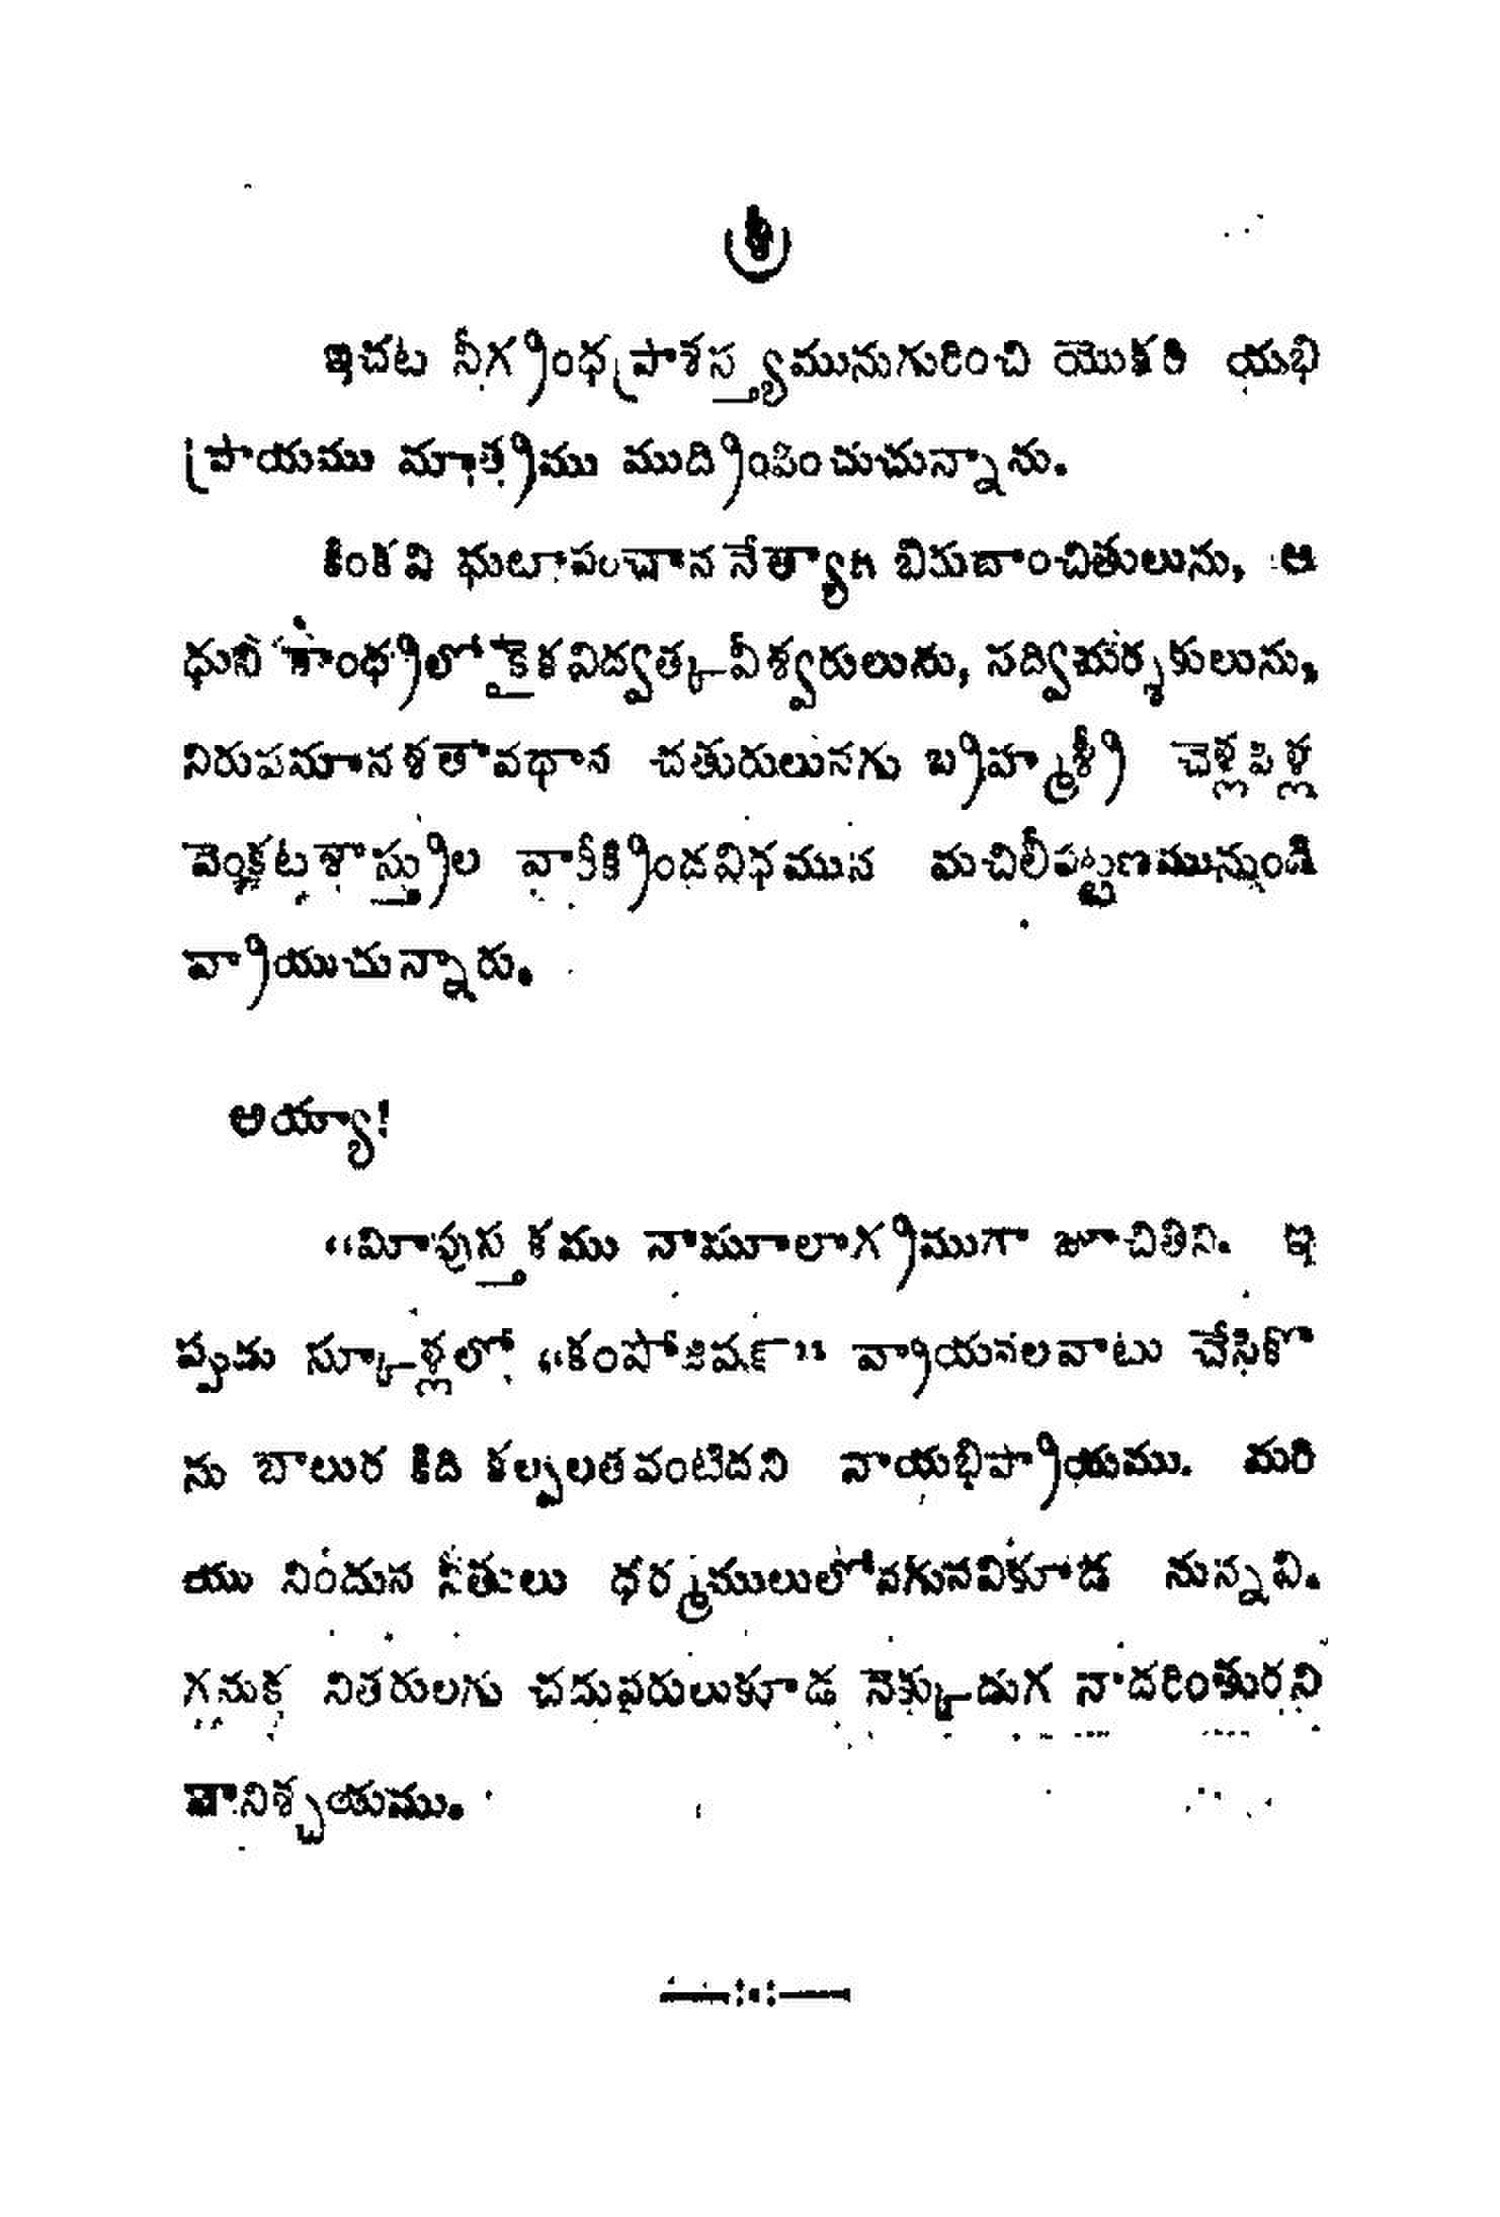ఇచట నీగ్రంధప్రాశస్త్యమునుగురించి యొకరి యభి
ప్రాయము మాత్రము ముద్రింపించుచున్నాను.

కింకవి ఘటాపంచాననేత్యాగి బిరుదాంకితులును, ఆ
ధునికాంధ్రలోకైకవిద్వత్కవీశ్వరులును, సద్విమర్శకులును, 
నిరుపమానశతావధాన చతురులునగు బ్రహ్మశ్రీ చెళ్లపిళ్ల 
వెంకటశాస్త్రుల వారీక్రిందవిధమున మచిలీపట్టణమునుండి 
వ్రాయుచున్నారు.

అయ్యా!

“మీపుస్తకము నామూలాగ్రముగా జూచితిని. ఇ
ప్పుడు స్కూళ్లలో “కంపోజిషన్” వ్రాయనలవాటు చేసికొ
ను బాలుర కిది కల్పలతవంటిదని నాయభిప్రాయము. మరి
యు నిందున నీతులు ధర్మములులోనగునవిగూడ నున్నవి. 
గనుక నితరులగు చదువరులుకూడ నెక్కుడుగ నాదరింతురని 
నానిశ్చయము.